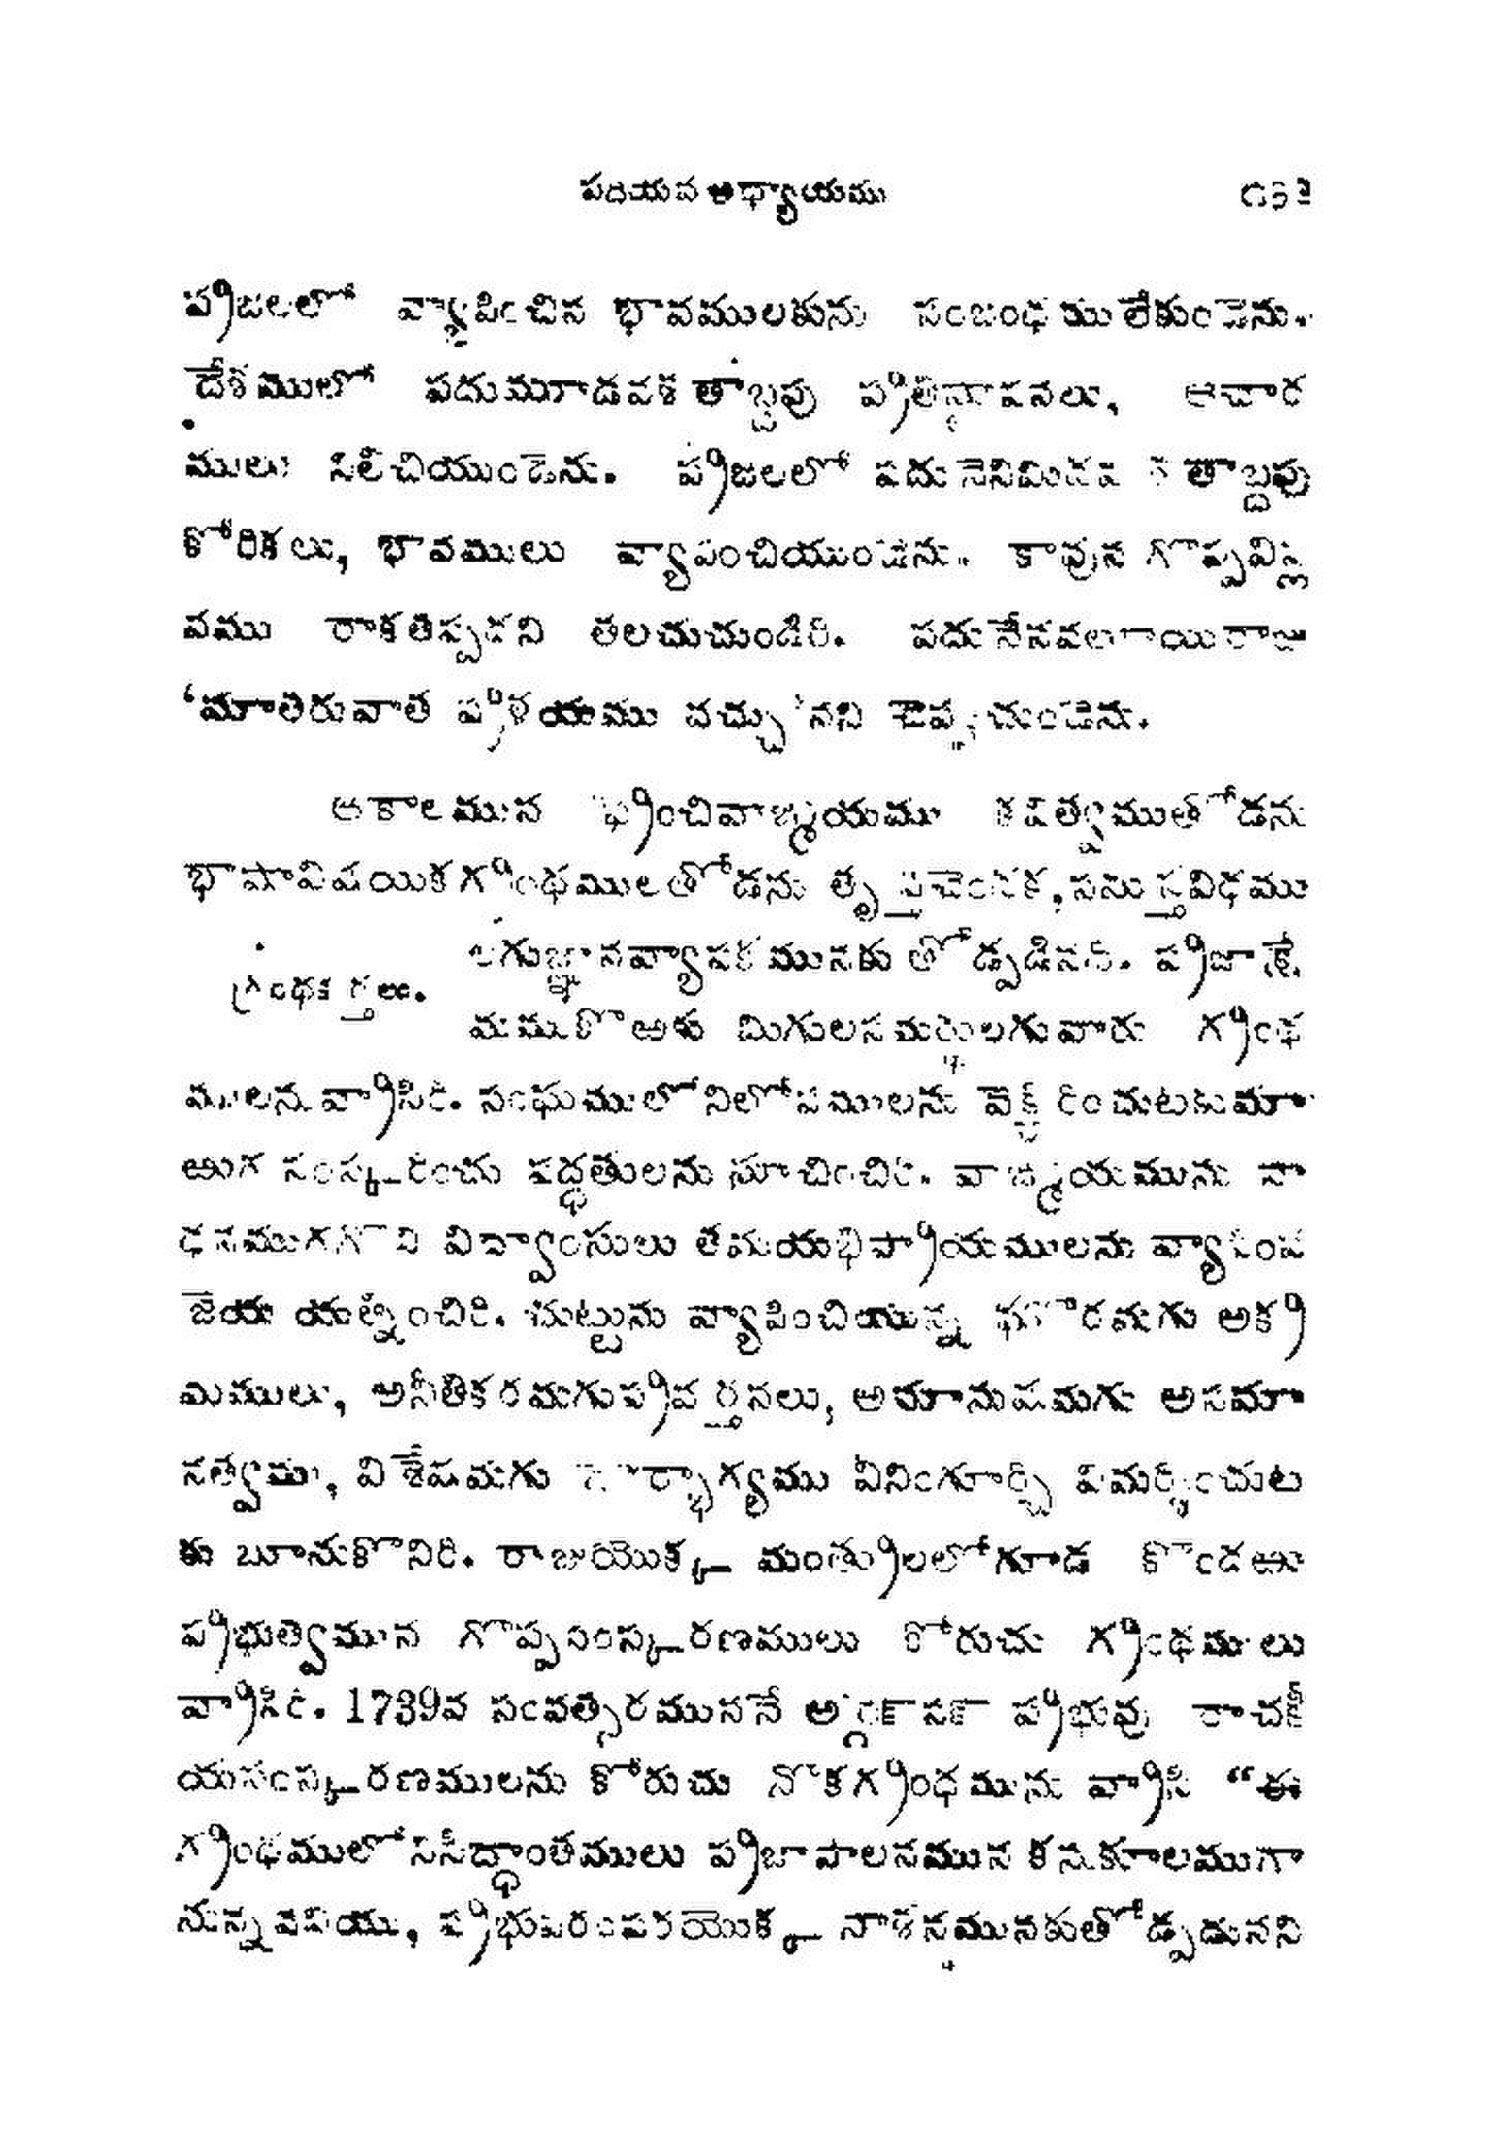ప్రజలలో వ్యాపించిన భావములకును సంబంధము లేకుండెను."
దేశ్ ములో పదుమూడవశ తాబ్దపు ప్రతిష్టాపనలు, ఆచార
ములు: నిలిచి యుండెను. ప్రజలలో పదు నెనిమిదవ శతాబ్దపు
కోరికలు, భావములు వ్యాపంచియుండెను. కావున గొప్పవిప్ల
వము రాక తప్పదని తలచుచుండిరి. పదు నేనవలూయి రాజు
'మా తరువాత ప్రళయము వచ్చు 'నని చెప్పుచుండెను.

గ్రంథకర్తలు

ఆ కాలమున ఫ్రెంచివాగ్మయము కవిత్వము తోడను
భాషావిషయిక గ్రంధముల తోడను తృప్తిచెందక, సమస్తవిధము
లగు గ్జ్నానవ్యాపకమునకు తోడ్పడిన, ప్రజాక్షే
మముకొఱకు మిగులసమర్తులగు వారు గ్రంథ
ములను వ్రాసి. సంఘములోని లోపములను వెక్కిరించుటకు మా
రుగ సంస్కరించు పద్ధతులను సూచించిరి. వాగ్మయమును సా
ధనముగ గొని విద్వాంసులు తమయభిప్రాయములను వ్యాపింప
జేయ యత్నంచిరి, చుట్టును వ్యాపించియున్న ఘోరమగు అక్ర
మములు, అవినీతికరమగు ప్రవర్తనలు, అమాసుషమగు అసమా
సత్వము', విశేషమగు దౌర్భాగ్యము వీనిం గూర్చి విమర్శించుట
కు బూనుకొనిరి. రాజు యొక్క మంత్రులలో గూడ కొందరు
ప్రభుత్వమున గొప్ప సంస్కరణములు కోరుచు గ్రంథములను
వ్రాసిరి. 1789వ సంవత్సరముననే అర్గెన్ సన్ ప్రభువు. రాచ
కీయసంస్కరణములను కోరుచు నొక గ్రంధమును వ్రాసి "ఈ
గ్రంథములోని సిద్ధాంతములు ప్రజాపాలసమున కను కూలముగా
నున్నవిషయు, ప్రభు పరం పర యొక్క నాశనమునకు తోడ్పడునని